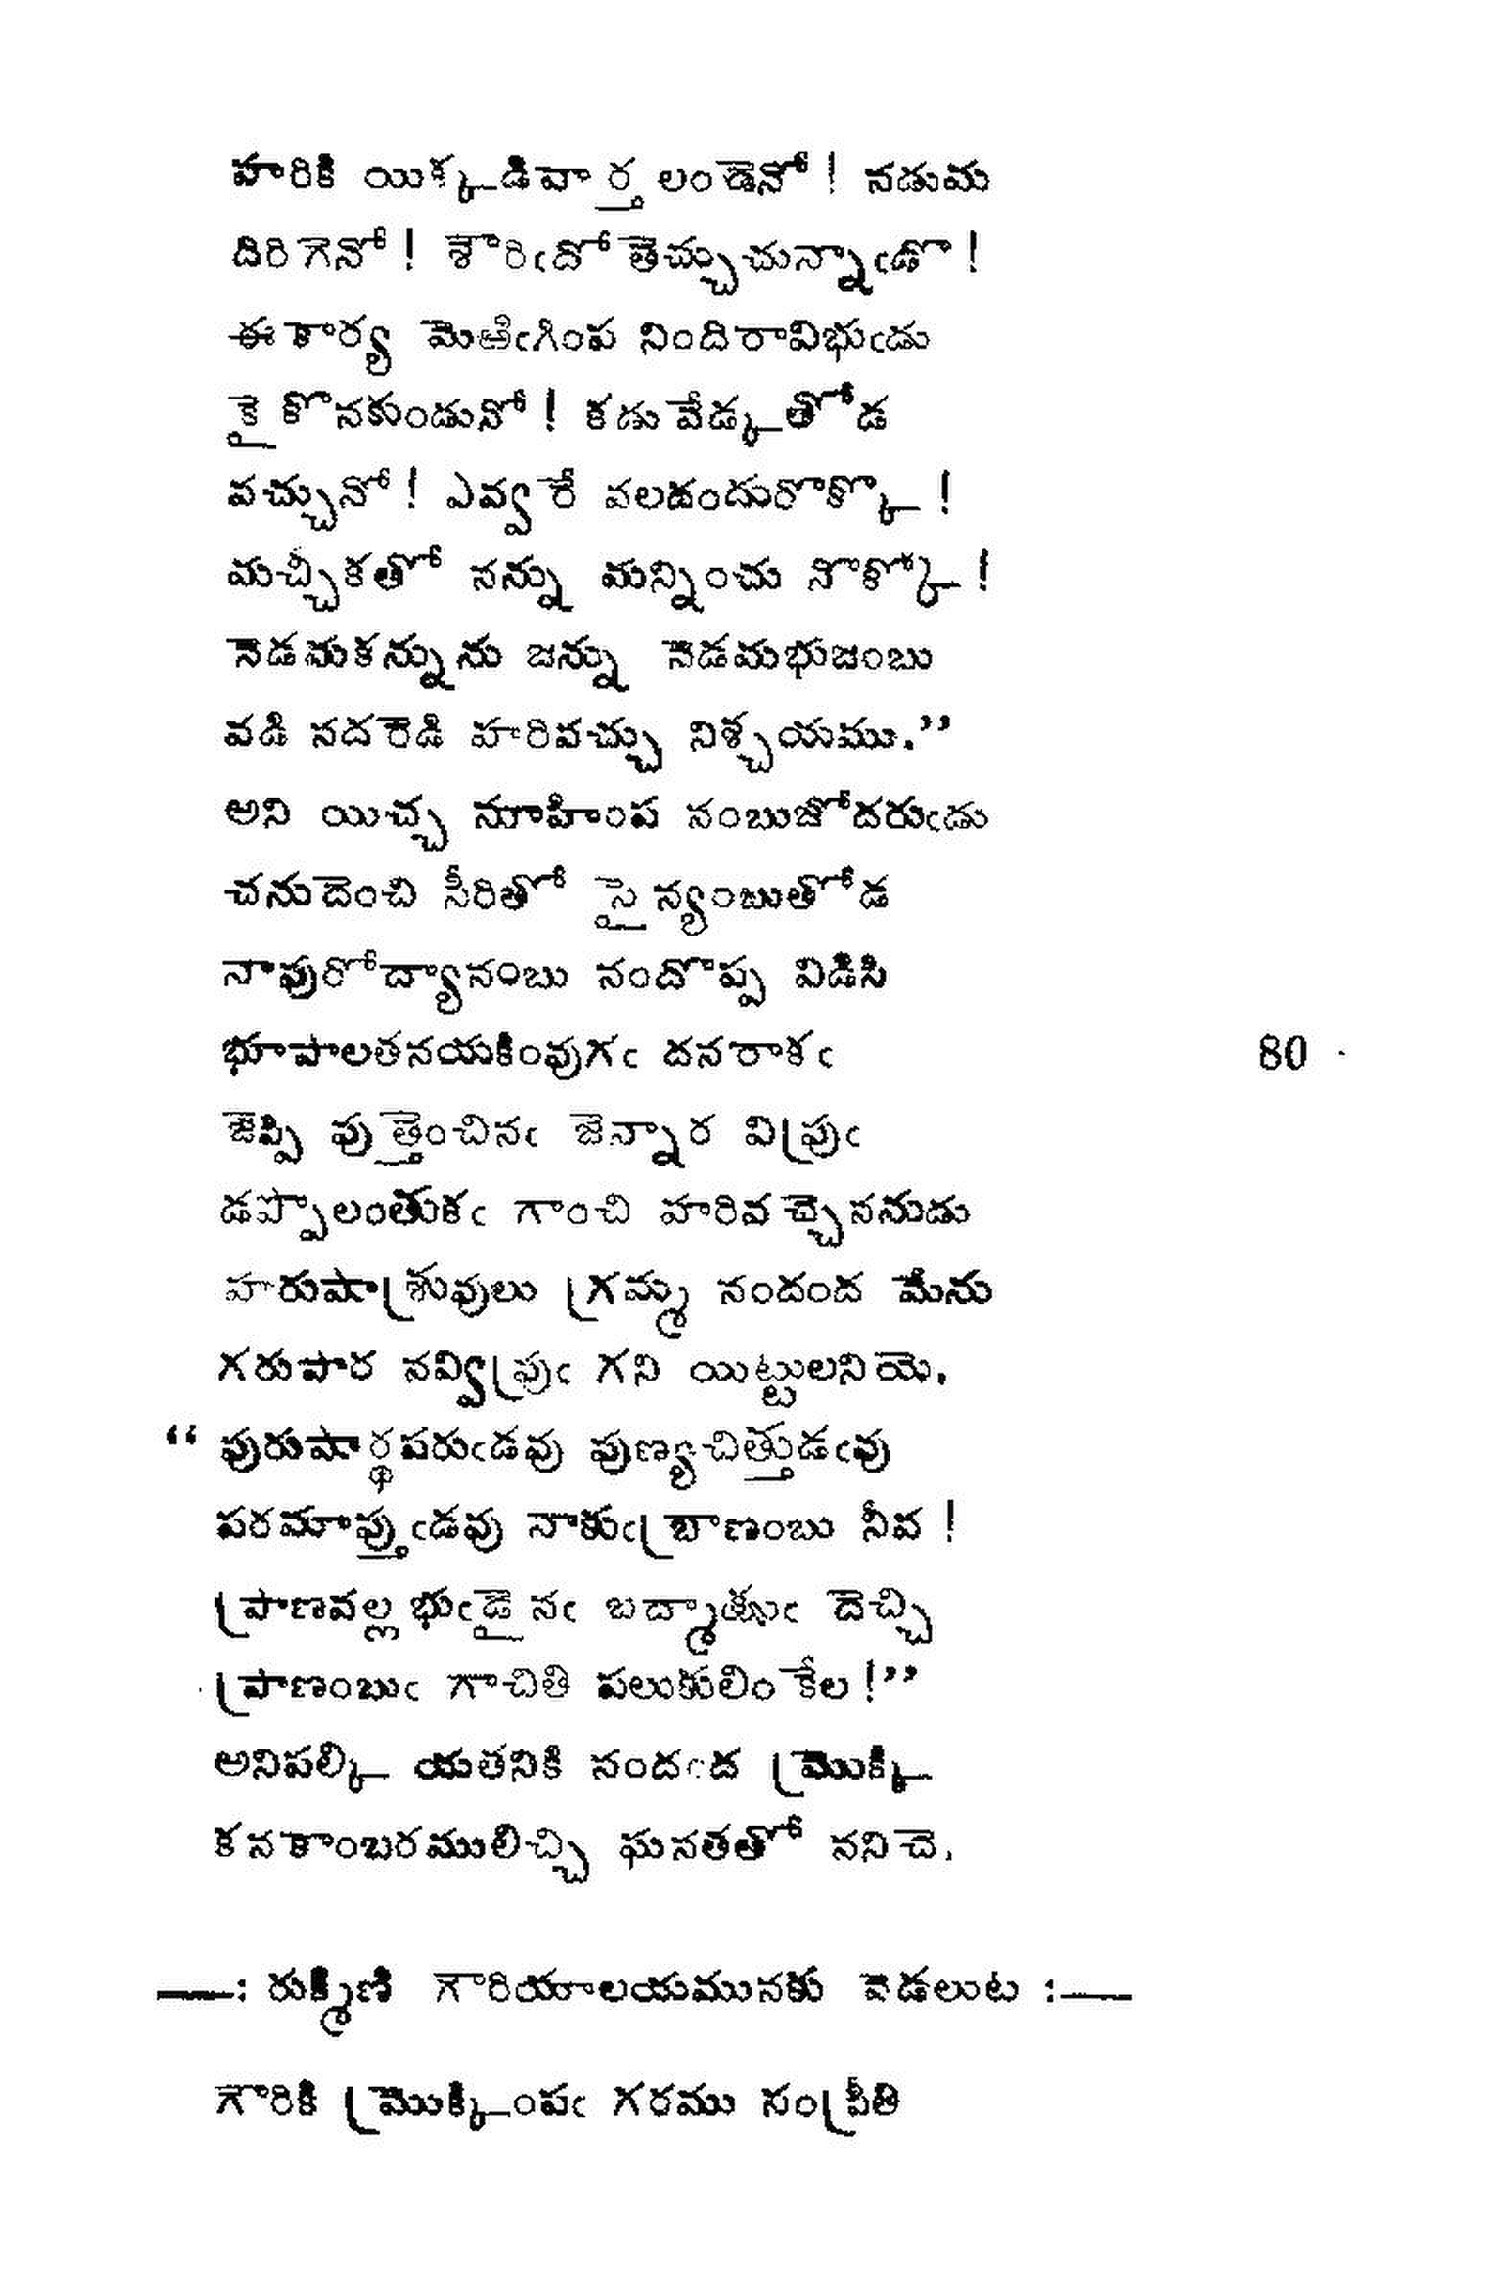హరికి యిక్కడివార్త లందెనో! నడుమ
దిరిగెనో! శౌరిఁ దోతెచ్చుచున్నాఁడొ!
ఈకార్య మెఱిఁగింప నిందిరావిభుఁడు
కైకొనకుండునో! కడువేడ్కతోడ
వచ్చునో! ఎవ్వరే వలదందురొక్కొ!
మచ్చికతో నన్ను మన్నించునొక్కొ!
నెడమకన్నును జన్ను నేడమభుజంబు
వడి నదరెడి హరివచ్చు నిశ్చయము.”
అని యిచ్చ నూహింప నంబుజోదరుఁడు
చనుదెంచి సీరితో సైన్యంబుతోడ
నాపురోద్యానంబు నందొప్ప విడిసి
భూపాలతనయ కింపుగఁ దనరాకఁ
జెప్పి పుంచినఁ జెన్నార విప్రుఁ
డప్పొలంతుకఁ గాంచి హరి వచ్చె ననుడు
హరుషాశ్రువులు గ్రమ్మ నందంద మేను
గరుపార నవ్విప్రుఁ గని యిట్టులనియె,
“పురుషార్థపరుఁడవు పుణ్యచిత్తుఁడవు
పరమాప్తుఁడవు నాకుఁ బ్రాణంబు నీవ!
ప్రాణవల్లభుఁడైనఁ బద్మాక్షుఁ దెచ్చి
ప్రాణంబుఁ గాచితి పలుకులిం కేల!”
అని పల్కి యతనికి నందంద మ్రొక్కి
కనకాంబరము లిచ్చి ఘనతతో ననిచె.

గౌరికి మ్రొక్కింపఁ గరము సంప్రీతి